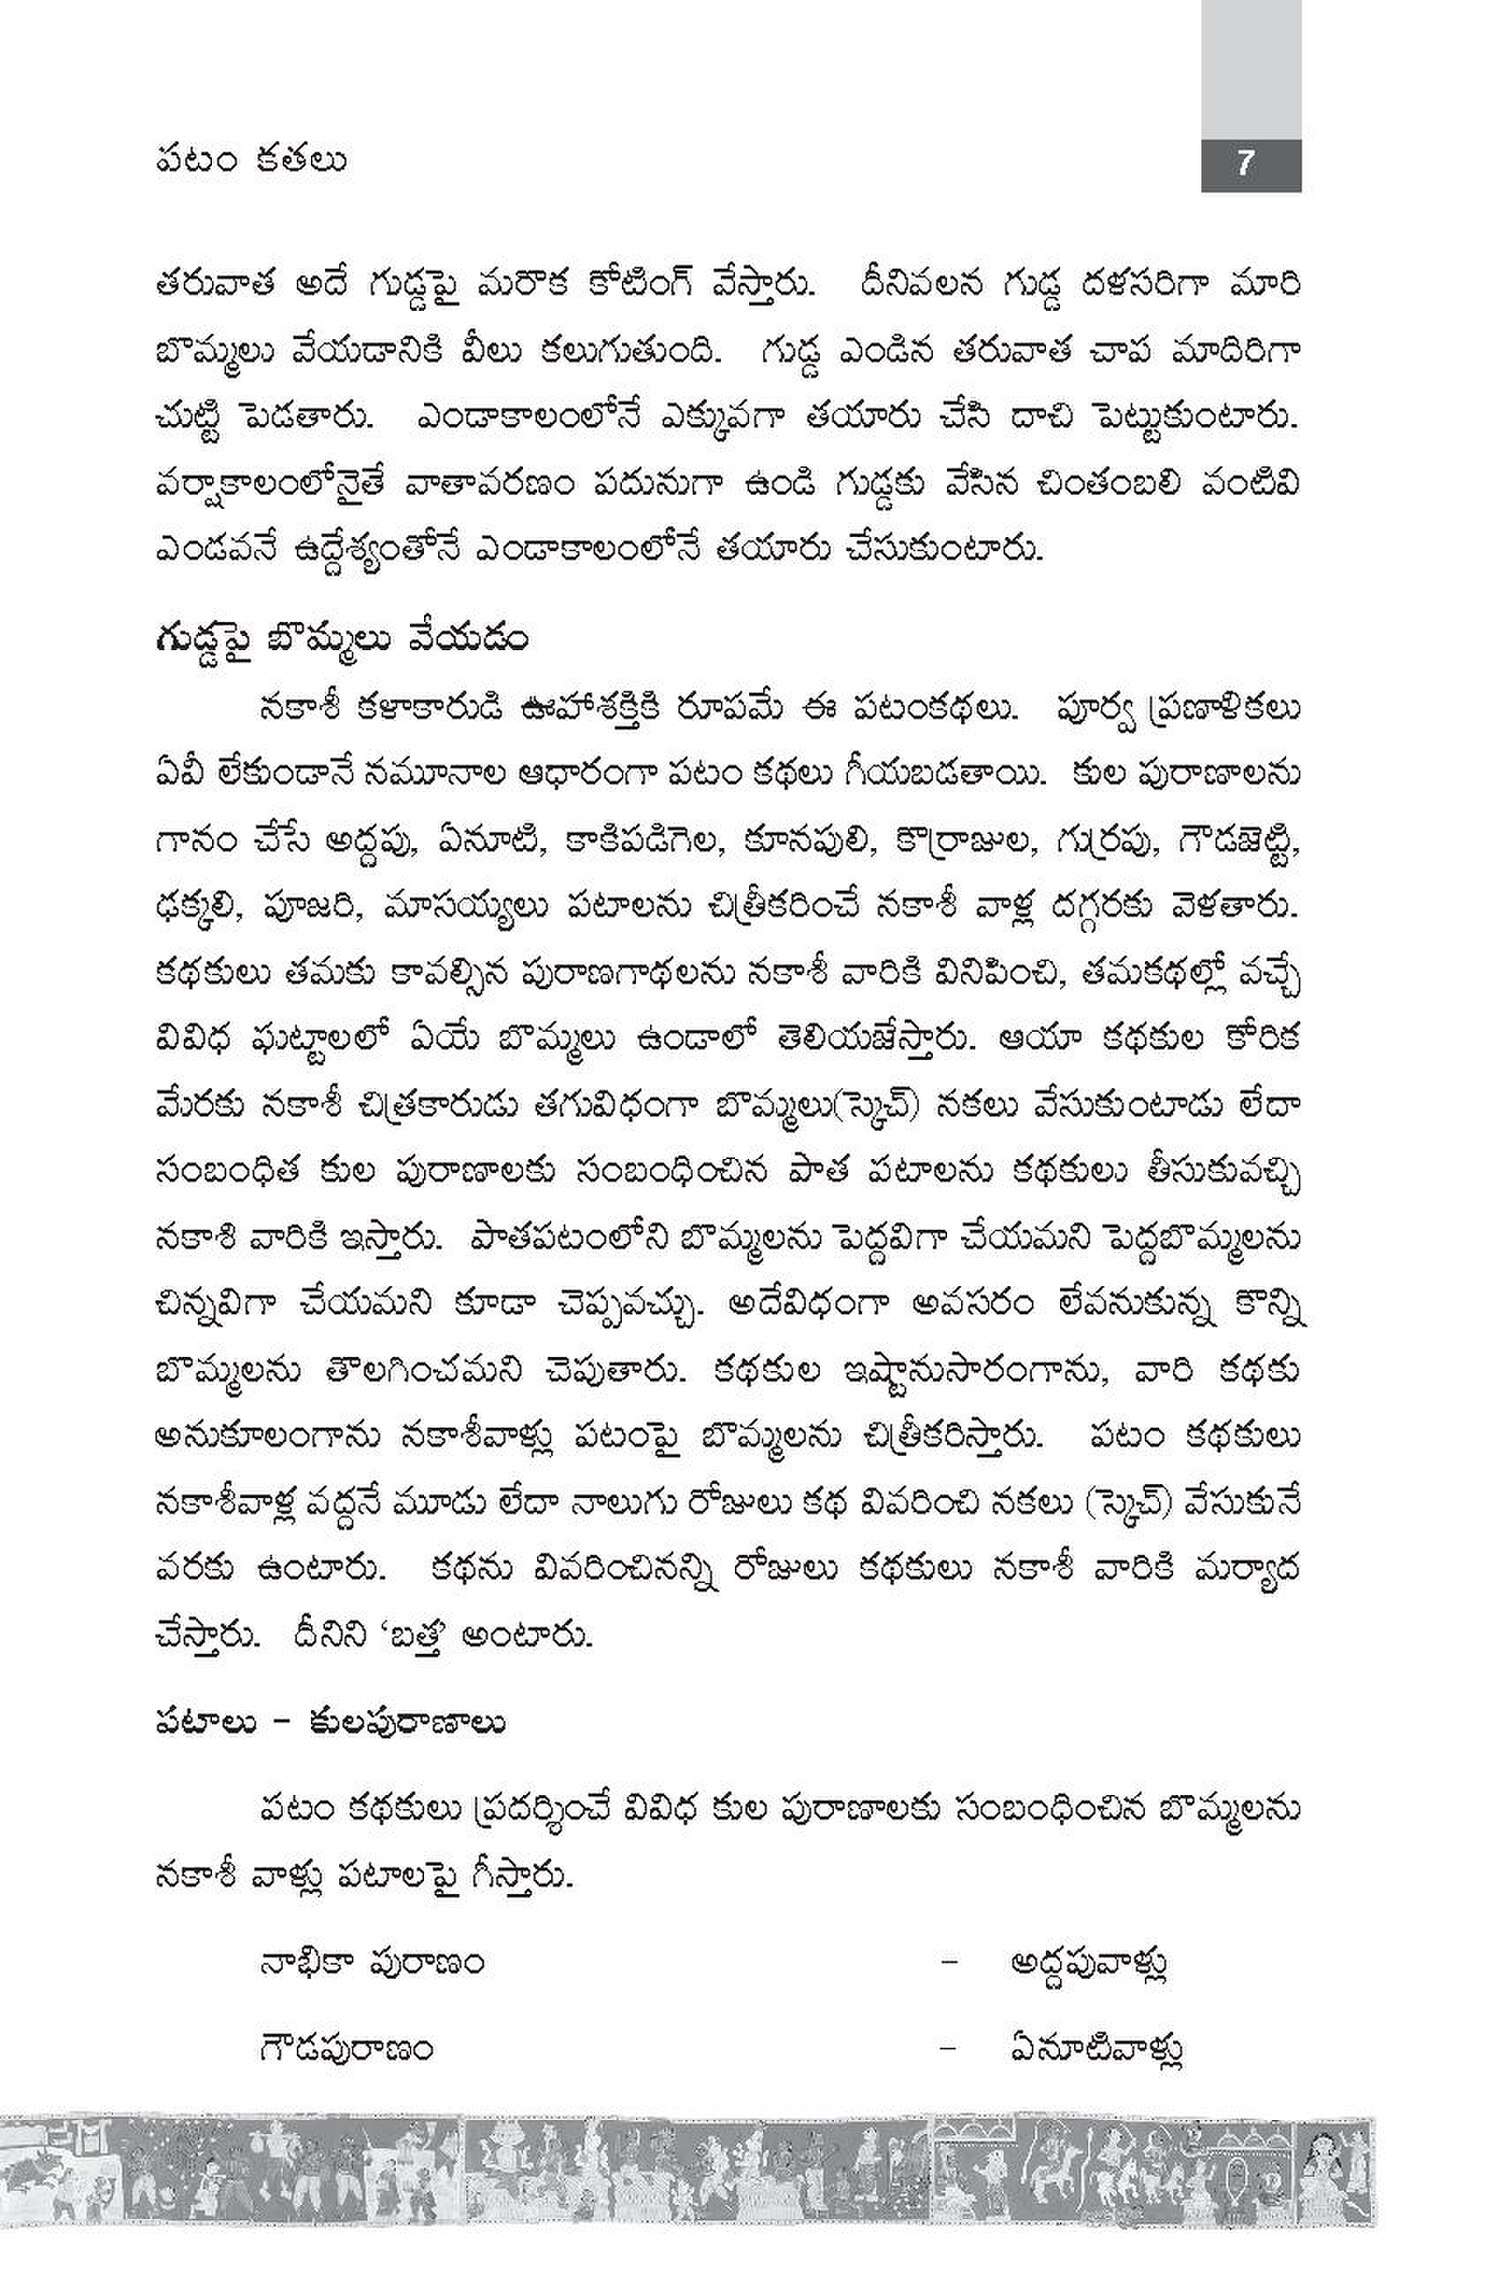తరువాత అదే గుడ్డపై మరొక కోటింగ్ వేస్తారు. దీనివలన గుడ్డ దళసరిగా మారి బొమ్మలు వేయడానికి వీలు కలుగుతుంది. గుడ్డ ఎండిన తరువాత చాప మాదిరిగా చుట్టి పెడతారు. ఎండాకాలంలోనే ఎక్కువగా తయారు చేసి దాచి పెట్టుకుంటారు.
వర్షాకాలంలోనైతే వాతావరణం పదునుగా ఉండి గుడ్డకు వేసిన చింతంబలి వంటివ ఎండవనే ఉద్దేశ్యంతోనే ఎండాకాలం లోనే తయారు చేసుకుంటారు.

గుడ్డపై బొమ్మలు వేయడం 

నకాశీ కళాకారుడి ఊహాశక్తికి రూపమే ఈ పటంకథలు. పూర్వ ప్రణాళికలు ఏవీ లేకుండానే నమూనాల ఆధారంగా పటం కథలు గీయబడతాయి. కుల పురాణాలను గానం చేసే అద్దపు, ఏనూటి, కాకిపడిగెల, కూనపులి, కొర్రాజుల, గుర్రపు, గౌడకొట్టి, ఢక్కలి, పూజరి, మాసయ్యలు పటాలను చిత్రీకరించే నకాశీ వాళ్ల దగ్గరకు వెళతారు. కథకులు తమకు కావల్సిన పురాణగాథలను నకాశీ వారికి వినిపించి, తమకథల్లో వచ్చే వివిధ ఘట్టాలలో ఏయే బొమ్మలు ఉండాలో తెలియజేస్తారు. ఆయా కథకుల కోరిక మేరకు నకాశీ చిత్రకారుడు తగువిధంగా బొమ్మలు(స్కెచ్) నకలు వేసుకుంటాడు లేదా సంబంధిత కుల పురాణాలకు సంబంధించిన పాత పటాలను కథకులు తీసుకువచ్చి నకాశి వారికి ఇస్తారు. పాతపటంలోని బొమ్మలను పెద్దవిగా చేయమని పెద్దబొమ్మలను చిన్నవిగా చేయమని కూడా చెప్పవచ్చు. అదేవిధంగా అవసరం లేవనుకున్న కొన్ని బొమ్మలను తొలగించమని చెపుతారు. కథకుల ఇష్టానుసారంగాను, వారి కథకు
అనుకూలంగాను నకాశీవాళ్లు పటంపై బొమ్మలను చిత్రీకరిస్తారు. పటం కథకులు నకాశీవాళ్ల వద్దనే మూడు లేదా నాలుగు రోజులు కథ వివరించి నకలు (స్కెచ్) వేసుకునే వరకు ఉంటారు. కథను వివరించినన్ని రోజులు కథకులు నకాశీ వారికి మర్యాద చేస్తారు. దీనిని 'బత్త' అంటారు.

పటాలు - కులపురాణాలు 
పటం కథకులు ప్రదర్శించే వివిధ కుల పురాణాలకు సంబంధించిన బొమ్మలను నకాశీ వాళ్లు పటాలపై గీస్తారు.